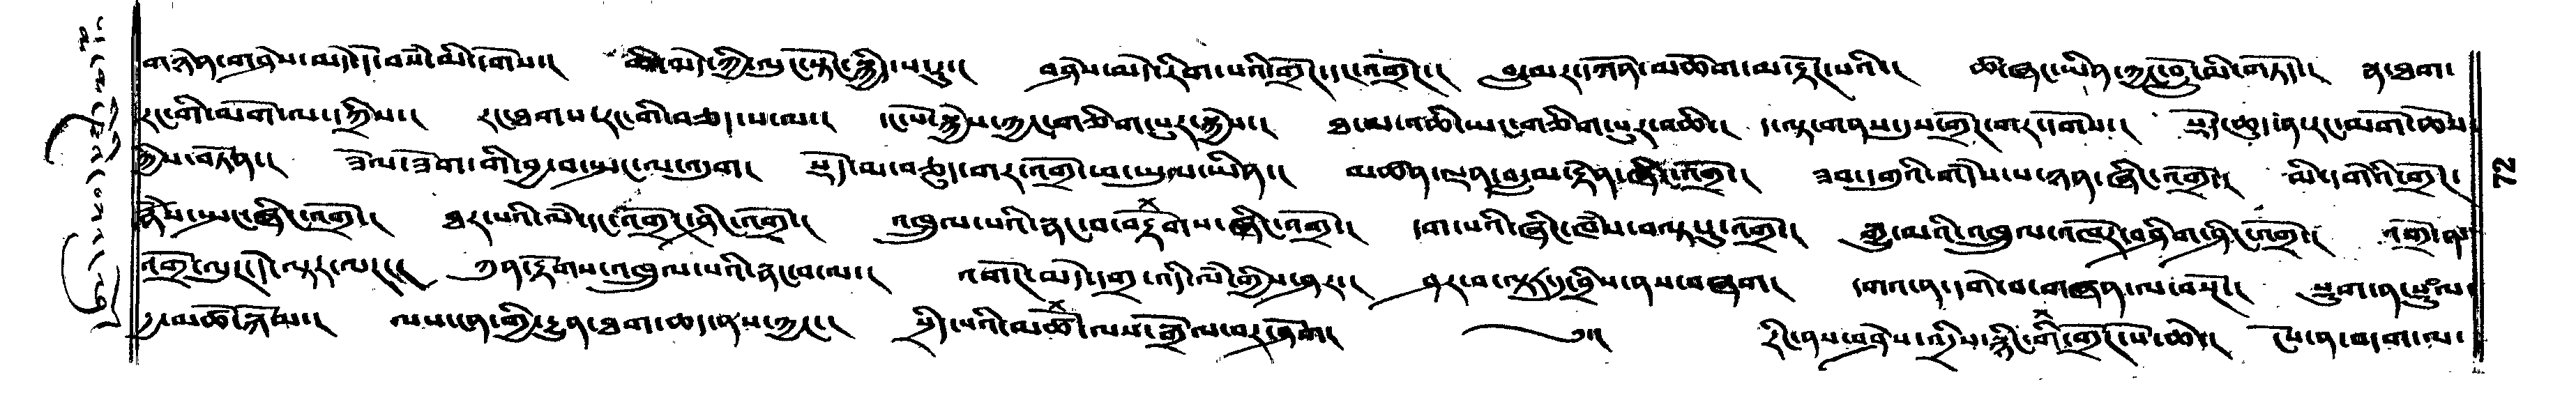།གཉེན་གཤེས་མེད་དོ་བསམ་མི་དགོས། །མི་མེད་ཀྱི་ལུང་སྟོང་སྐྱིད་པ་རུ། །བཤེས་མེད་རིག་པའི་གྲོགས་དང་འགྲོགས། །བླ་མ་དཀོན་མཆོག་མ་རྟོགས་པའི། །ཚ་ཞང་ཡིན་ཀྱང་བློ་མི་གཏོད། །སྣ་ཐག་
རང་གི་མགོ་ལ་དཀྲིས། །རང་ཐག་རང་གི་བཅད་པ་ལ། །དང་པོ་སྐྱེས་ཀྱང་གཅིག་པུར་སྐྱེས། །ཐ་མ་འཆི་ཡང་གཅིག་པུར་འཆི། །ད་ལྟ་གནས་དུས་གྲོགས་གང་དགོས། །སྡོད་ཚུགས་ན་རང་མགོ་ཆོས་
ཀྱིས་བཏོན། །ཟོལ་ཟོག་གི་བྱ་བ་སྤོངས་ལ་འདུག །སྡོད་མ་བཅུག་གར་འགྲོ་ཕ་ཡུལ་ཡིན། །མཚན་ལྡན་བླ་མ་བསྟན་ཞིང་འགྲོ། །ཟབ་དགུའི་གདམས་པ་ཉན་ཞིང་འགྲོ། །མི་དགེའི་གྲོགས་
རྣམས་སྤོང་ཞིང་འགྲོ། །ཐར་པའི་ལམ་དང་འགྲོགས་ཤིང་འགྲོ། །འཁྲུལ་པའི་སྣང་བ་རྟོགས་ཞིང་འགྲོ། །དག་པའི་ཞིང་ཁམས་བལྟ་རུ་འགྲོ། །སྒྱུ་མའི་འཁྲུལ་འཁོར་བཤིག་ཅིང་འགྲོ། །འགྲོ་ན་
འགྲོ་ལུགས་དེ་ལྟར་ལགས། །ཀུན་རྟོག་འཁྲུལ་པའི་སྣང་བ་ལ། །འགོག་མེད་དགྲ་འདི་ལམ་གྱིས་ཤར། །ཤར་བ་ལྟར་དུ་བྲིས་ནས་བཞག །དགའ་ན་དགེ་བ་གཞན་ལ་བསྔོ། །སྡུག་ན་སྡུག་བསྔལ་
རྒྱ་མཚོ་སྐེམ། །ལས་ངན་གྱི་རྒྱུན་ཐག་ཆད་ནས་ཀྱང་། །སྲིད་པའི་མཚོ་ལས་སྒྲོལ་བར་ཤོག ༈ རིང་ནས་བཤིབས་འདྲིས་སྙིང་གི་གྲོགས་པོ་ཆེ། །ངོས་ན་བདག་ལ་